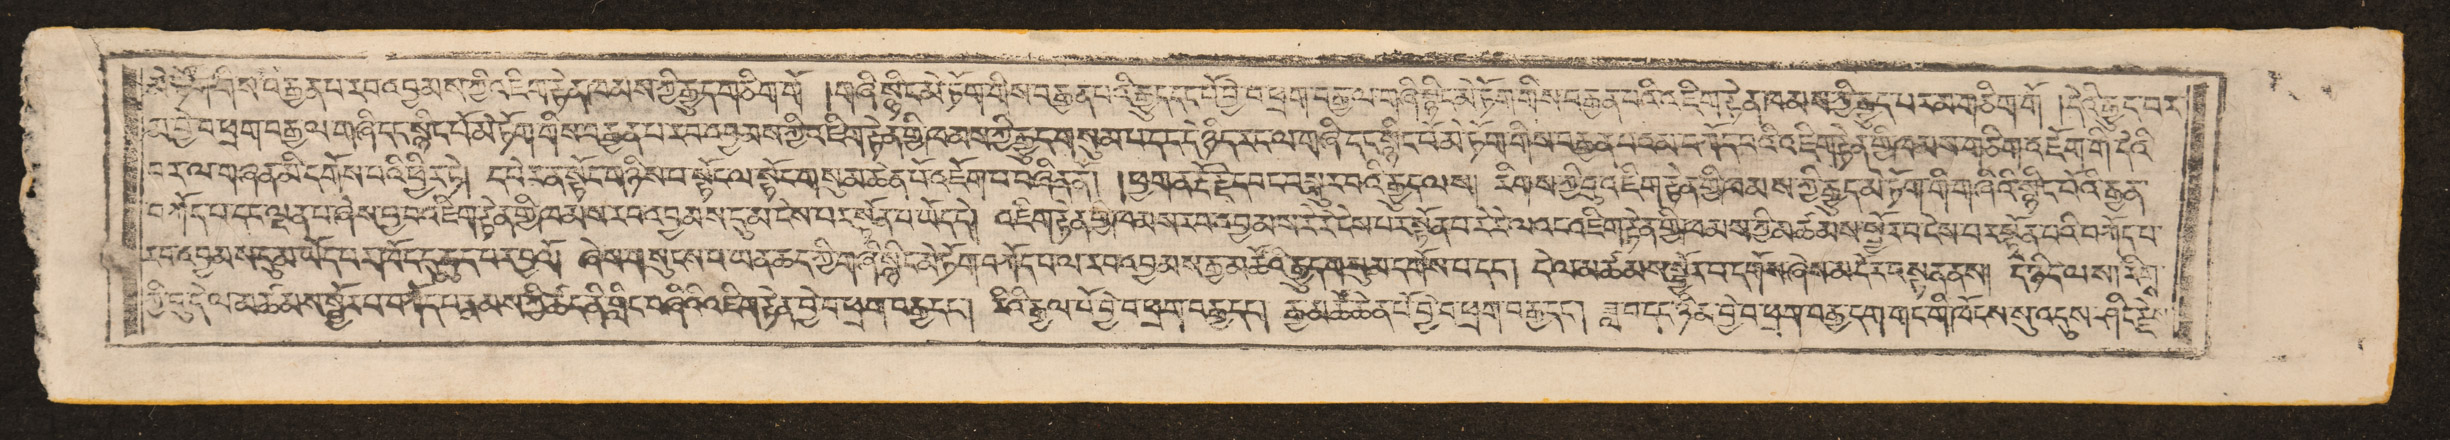མེ་ཏོག་གིས་བརྒྱན་པ་རབ་འབྱམས་ཀྱི་འཇིག་རྟེན་ཁམས་ཀྱི་རྒྱུད་གཅིག་གོ །གཞི་སྙིང་མེ་ཏོག་གིས་བརྒྱན་པའི་རྒྱུད་དང་པོ་བྱེ་བ་ཕྲག་བརྒྱ་ལ་གཞི་སྙིང་མེ་ཏོག་གིས་བརྒྱན་པའི་འཇིག་རྟེན་ཁམས་ཀྱི་རྒྱུད་པར་མ་གཅིག་གོ །དེའི་རྒྱུད་བར་
མ་བྱེ་བ་ཕྲག་བརྒྱ་ལ་གཞི་དང་སྙིང་པོ་མེ་ཏོག་གིས་བརྒྱན་པ་རབ་འབྱམས་ཀྱི་འཇིག་རྟེན་གྱི་ཁམས་ཀྱི་རྒྱུད་གསུམ་པ་དང་དེ་ཉིད་རང་ལ་གཞི་དང་སྙིང་པོ་མེ་ཏོག་གིས་བརྒྱན་པའམ་བཀོད་པའི་འཇིག་རྟེན་གྱི་ཁམས་གཅིག་འཇོག་གི་དེའི་
བར་ལ་གཞན་མི་དགོས་པའི་ཕྱིར་ཏེ། དཔེར་ན་སྟོང་གཉིས་པ་སྟོང་ལ་སྟོང་གསུམ་ཆེན་པོ་འཇོག་པ་བཞིན་ནོ། །ཕྱག་ན་རྡོ་རྗེ་དབང་བསྐུར་བའི་རྒྱུད་ལས། རིགས་ཀྱི་བུ་འཇིག་རྟེན་གྱི་ཁམས་ཀྱི་རྒྱུད་མེ་ཏོག་གི་གཞིའི་སྙིང་པོའི་རྒྱན་
བཀོད་པ་དང་ལྡན་པ་ཞེས་བྱ་བ་འཇིག་རྟེན་གྱི་ཁམས་རབ་འབྱམས་དུ་མ་ངེས་པར་སྟོན་པ་ཡོད་དེ། འཇིག་རྟེན་གྱི་ཁམས་རབ་འབྱམས་རེ་རེ་ངེས་པར་སྟོན་པ་རེ་རེ་ལའང་འཇིག་རྟེན་གྱི་ཁམས་ཀྱི་མཚམས་སྦྱོར་བ་ངེས་པར་སྟོན་པའི་བཀོད་པ་
རབ་འབྱམས་དུ་མ་ཡོད་པར་ཁོང་དུ་ཆུད་པར་བྱའོ། ཞེས་གསུངས་པ་ཡན་ཆད་ཀྱི་གཞི་སྙིང་མེ་ཏོག་བཀོད་པ་ལ་རབ་འབྱམས་རྒྱ་མཚོའི་རྒྱུད་གསུམ་དགོས་པ་དང་། དེ་ལ་མཚམས་སྦྱོར་བ་དགོས་ཞེས་མདོར་བསྟན་ནས། དེ་ཉིད་ལས། རིགས་
ཀྱི་བུ་དེ་ལ་མཚམས་སྦྱོར་བ་བཀོད་པ་རྣམས་ཀྱི་ཚད་ནི་གླིང་བཞིའི་འཇིག་རྟེན་བྱེ་བ་ཕྲག་བརྒྱ་དང་། རིའི་རྒྱལ་པོ་བྱེ་བ་ཕྲག་བརྒྱ་དང་། རྒྱ་མཚོ་ཆེན་པོ་བྱེ་བ་ཕྲག་བརྒྱ་དང་། ཟླ་བ་དང་ཉི་མ་བྱེ་བ་ཕྲག་བརྒྱ་དག་གང་གི་ཁོངས་སུ་འདུས་ཤིང་རྗེས་